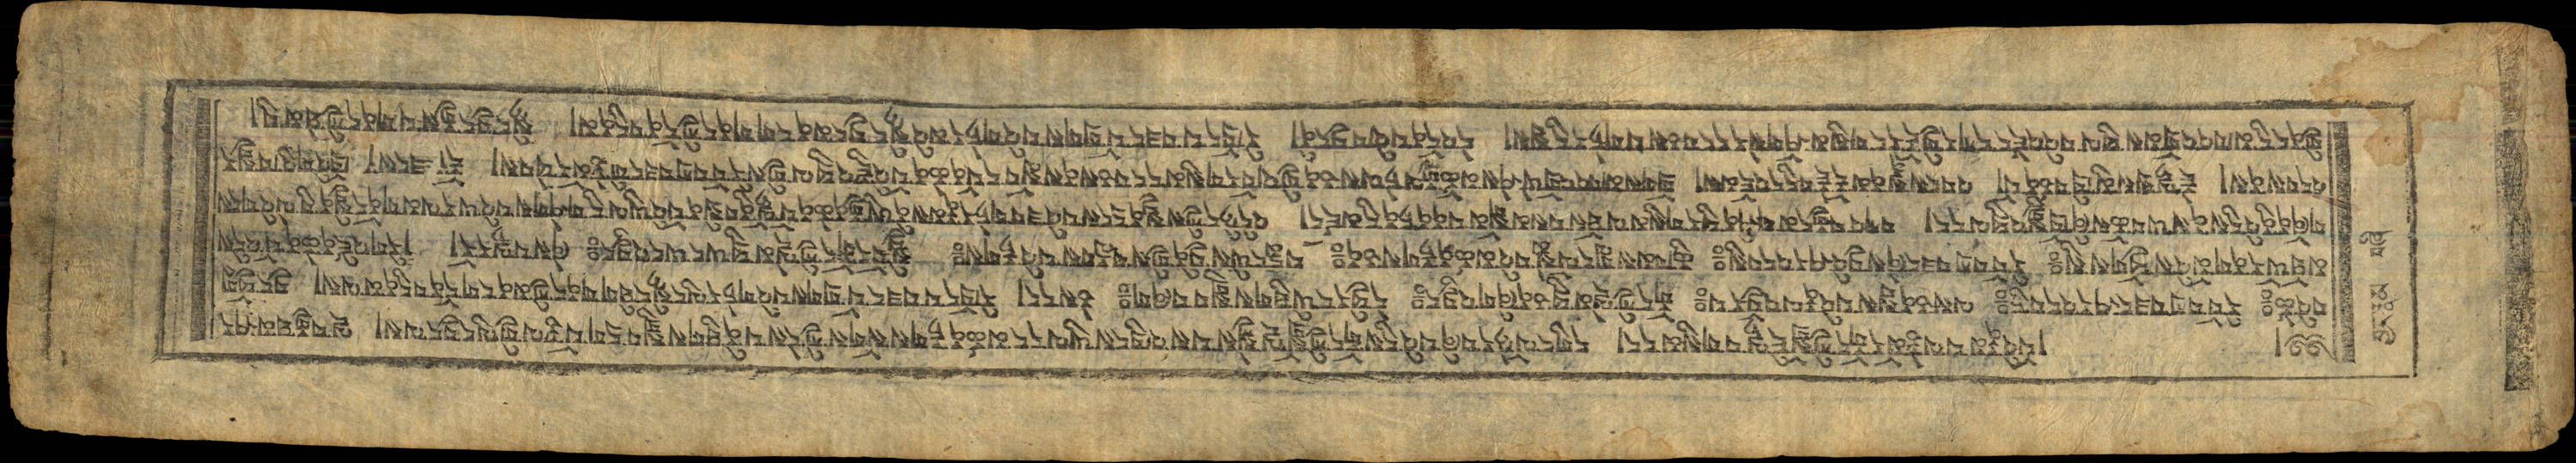༄༅། །པོའི་རྣམ་པ་ལ་རྩེ་མོར་རྒོད་ཀྱི་སྒྲོ་ཇི་ལྟ་བ་གསུམ་དང་། དགུང་ལོ་ཉེར་བཞི་པའི་དུས་རྒོད་ཀྱི་སྒྲོ་ལྔ་སྐྱེས་པས་འཁྲུངས་ཡུལ་དང་མཚན་རྟགས་སོགས་ཀྱི་ངེས་པ་ནི་ཐུགས་སྒྲུབ་དྲག་པོ་རྩལ་གྱི་ལུང་བྱང་ལས། ལྔ་བརྒྱ་ཐ་མ་ཤར་
བའི་ཚེཿ་རི་བོ་བཀྲ་བཟང་ཤར་འདབ་ཏུཿ་ལས་ཅན་སྦས་པའི་རྣལ་འབྱོར་པཿ་རྒོད་ཀྱི་ལྡེམ་ཕྲུ་ཅན་ཞིག་འབྱུངཿ་དེ་ཕྱིར་དེ་ཡི་ཐུགས་སྒྲུབ་བཞགཿ་ཅེས་དང་། རི་ཁྲོད་པ་བཟང་པོ་གྲགས་པའི་གཏེར་ལུང་སྙིང་ཐིག་གནད་ཀྱི་མན་ངག་དོན་བདུན་མ་ལས། བྱང་ཕྱོགས་
མཐོ་ཡོར་ནག་མོའི་ས་ཕྱོགས་སུཿ་རི་བོ་བཀྲ་བཟང་ཞེས་བྱའི་ཤར་འདབ་སུཿ་ཆུ་ཁམས་གླང་ལོ་སྨེ་བའི་མཚན་རྟགས་ཅནཿ་པདམ་ང་ཡིས་བྱིན་གྱིས་བརླབས་པའི་རྟགསཿ་སྦྱི་བོར་རྒོད་ཀྱི་ལྡེམ་ཕྲུ་ཡང་ཡང་འབྱུངཿ་ཞེས་པ་ལྟར་རོ། །རིག་འཛིན་ཆེན་པོ་འདིས་
གཞོན་ནུའི་དུས་ནས་ཡབ་ཆོས་ཞི་ཁྲོ་སྒྱུ་འཕྲུལ་དང་། བཀའ་བརྒྱད་མ་གཤིན་ཕུར་གསུམ་ལ་ཐོས་བསམ་སྒོམ་པ་ནན་ཏན་དུ་མཛད། འདི་ཉིད་ཀྱིས་སྤྱན་དྲངས་པའི་ཟབ་གཏེར་རྣམས་ནི་ཨུ་རྒྱན་ཆེན་པོ་ལྷོ་ནུབ་སྲིན་པོའི་ཡུལ་དུ་གཤེགས་པའི་ཡར་ལམ་གནོད་སྦྱིན་བུ་ལེའི་གངས་
འདབས་ནས། རྗེ་ལྷ་སྲས་མུ་ཁྲི་བཅན་པོ། འབངས་སྣ་ནམ་རྡོ་རྗེ་བདུད་འཇོམས། གྲོགས་མཁའ་འགྲོ་ཡེ་ཤེས་མཚོ་རྒྱལ་ཏེ་ལས་ཅན་གྱི་འཁོར་གསུམ་དང་བཅས་ནས་སློབ་དཔོན་ཆེན་པོའི་རྫུ་འཕྲུལ་གྱིས་རི་བོ་བཀྲ་བཟང་གི་རྩེ་མོར་ཕེབས། རྡོ༑ ཟངས༑ ཁྲོའི་གའུ་ཁ་སྦྱར་
གྱི་ནང་དུ་མཁའ་འགྲོ་མས་ཕུལ་བའི་འཛེད་དཀར་གྱི་རྡོ་རང་གསུམ་ཤོ་གསེར་དང་བཅས་པ་གཏེར་དུ་སྦས། དེ་འདོན་པའི་ཁ་བྱང་ནི། རི་ཁྲོད་པ་བཟང་པོ་གྲགས་པའི་གཏེ་མའི་སྙིང་བྱང་མན་ངག་གནད་ཀྱི་དོན་བདུན་མ། སྙིང་བྱང་རྒྱས་པ་གནད་ཀྱི་ཐེམ་བུ།